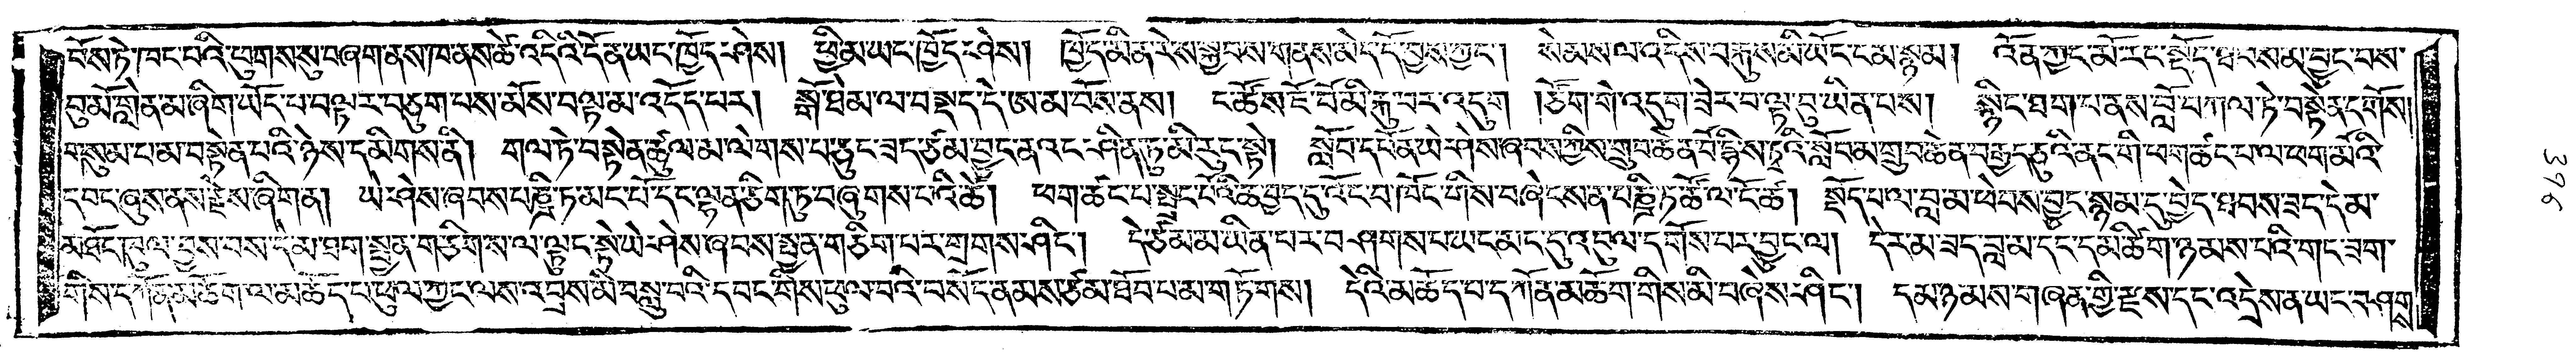བས་ཏེ་ཁང་པའི་ཕུགས་སུ་བཞག་ནས་ཁ་ནས་ཚེ་འདིའི་དོན་ཡང་ཁྱོད་ཤེས། ཕྱི་མ་ཡང་ཁྱོད་ཤེས། ཁྱོད་མིན་རེ་ས་སྐྱབས་གནས་མེད་དོ་བྱས་ཀྱང་། སེམས་ལ་འདིས་བརྐུས་མི་ཡོང་ངམ་སྙམ། འོན་ཀྱང་མོ་རང་སྡོད་ཐབས་མ་བྱུང་བས་
བུ་མོ་གླེན་མ་ཞིག་ཡོད་པ་བལྟར་བཅུག་པས་མོས་བལྟ་མ་འདོད་པར། སྒོ་ཐེམ་ལ་བསྡང་དེ་ཨ་མ་བོས་ནས། ང་ཚོས་ཇོ་བོ་མི་རྐུ་བར་འདུག །ཙོག་གེ་འདུག་ཟེར་བ་ལྟ་བུ་ཡིན་པས། སྙིང་ཐག་པ་ནས་བློ་བཀའ་ཏེ་བསྟེན་དགོས་
གསུམ་པ་མ་བསྟེན་པའི་ཉེས་དམིགས་ནི། གལ་ཏེ་བསྟེན་ཚུལ་མ་ལེགས་པ་ཅུང་ཟད་ཙམ་བྱུང་ནའང་ཤིན་ཏུ་མི་རུང་སྟེ། སློབ་དཔོན་ཡེ་ཤེས་ཞབས་ཀྱིས་གྲུབ་ཆེན་པོ་དྷི་ས་ཏྭའི་སློབ་མ་གྲུབ་ཆེན་བརྒྱད་ཅུའི་ནང་གི་ཕག་ཚང་པ་ལ་ཕག་མོའི་
དབང་ཞུས་ནས་རྗེས་ཞིག་ན། ཡེ་ཤེས་ཞབས་པཎྜི་ཏ་མང་པོ་དང་ལྷན་ཅིག་ཏུ་བཞུགས་པའི་ཚེ། ཕག་ཚང་པ་སྤྲང་པོའི་ཆ་བྱད་དུ་འོང་བ་ཁོང་གིས་བཞེངས་ན་པཎྜི་ཏ་ཚོ་ལ་ངོ་ཚ། སྡོད་པ་ལ་བླ་མ་ཕེབས་བྱུང་སྙམ་དུ་བྱེད་ཐབས་ཟད་དེ་མ་
མཐོང་ཁུལ་བྱས་བས་དེ་མ་ཐག་སྤྱན་གཅིག་ལ་ལྟུང་ལྟེ་ཡེ་ཤེས་ཞབས་སྤྱན་གཅིག་པར་གྲགས་ཤིང་། དེ་ཙམ་མ་ཡིན་པར་བཤགས་པ་ཡང་མང་དུ་འབུལ་དགོས་པར་བྱུང་ལ། དེར་མ་ཟད་བླ་མ་དང་དམ་ཚིག་ཉམས་པའི་གང་ཟག་
གིས་དཀོན་མཆོག་ལ་མཆོད་པ་ཕུལ་ཀྱང་ལས་འབྲས་མི་བསླུ་བའི་དབང་གིས་ཕུལ་བའི་བསོད་ནམས་ཙམ་ཐོབ་པ་མ་གཏོགས། དེའི་མཆོད་པ་དཀོན་མཆོག་གིས་མི་བཞེས་ཤིང་། དམ་ཉམས་གཞན་གྱི་རྫས་དང་འདྲེས་ན་ཡང་བཤག་